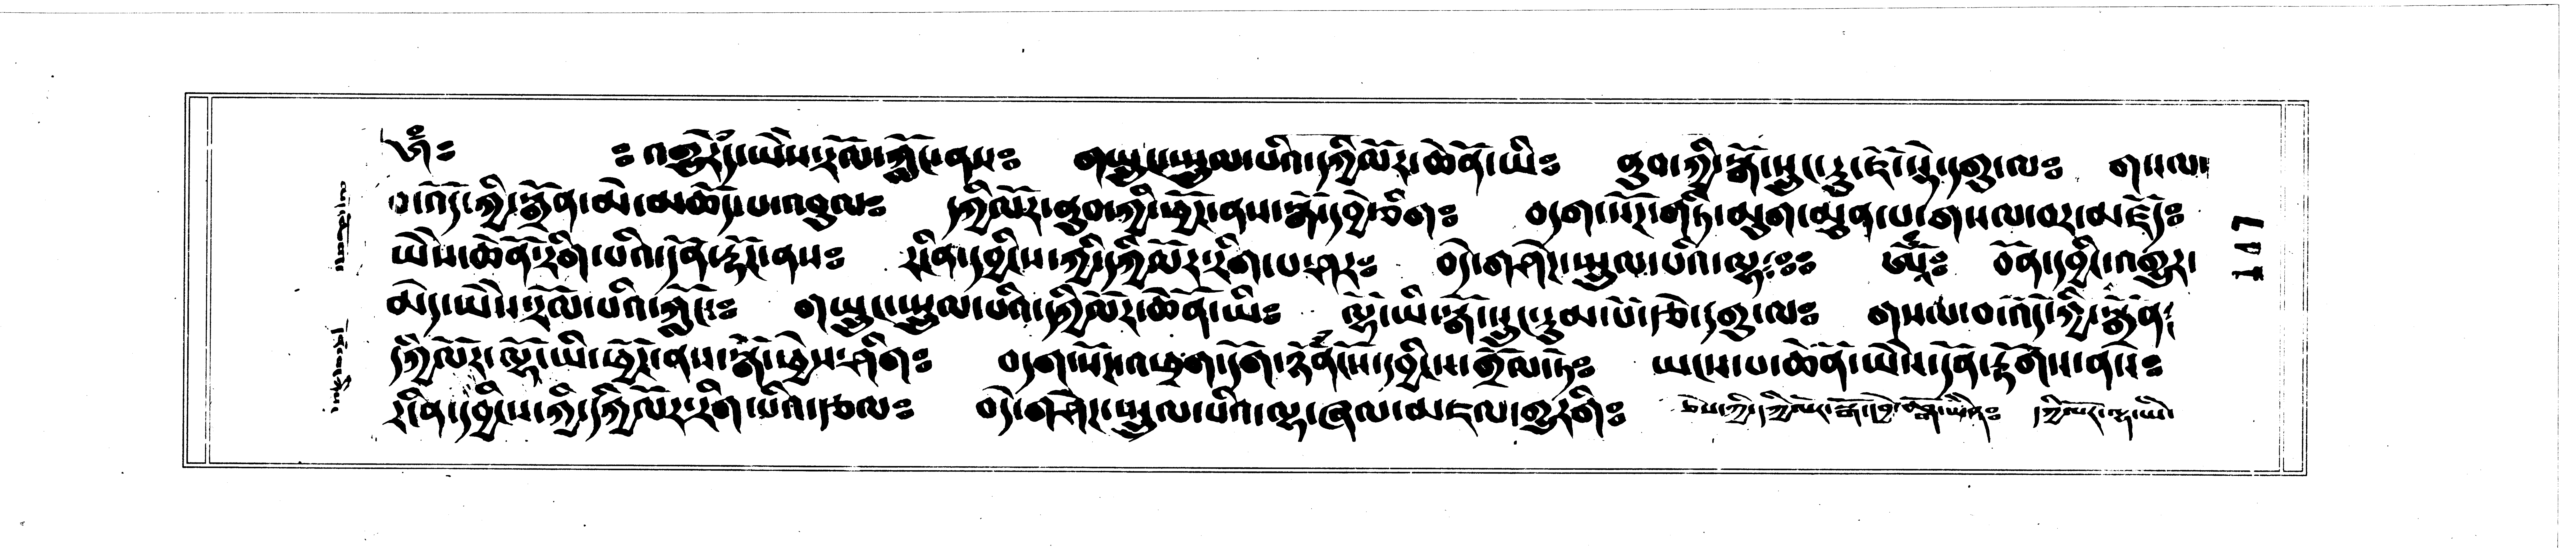འགྱུར་མེད་ཡེ་ཤེས་ཀློང་དཀྱིལ་ནསཿ གཡུང་དྲུང་སྤྲུལ་པའི་དཀྱིལ་འཁོར་ཆེན་པོ་ཡིཿ ནུབ་ཀྱི་སྒོ་སྲུང་རུ་ཅོ་སྡེ་དགུ་ལཿ གསལ་
བ་འོད་ཀྱི་སྒྲོན་མེ་མཆོད་པ་འབུལཿ དཀྱིལ་འཁོར་ནུབ་ཀྱི་ཕྱོགས་ནས་སྒོ་དབྱེ་ཅིགཿ བདག་སོགས་གཏི་མུག་མུན་པ་གསལ་བར་མཛོདཿ 
ཡེ་ཤེས་ཆེན་པོ་རིག་པའི་དོན་རྟོགས་ནསཿ རང་བཞིན་དབྱིངས་ཀྱི་དཀྱིལ་འཁོར་རིག་པ་ཤརཿ བདེར་གཤེགས་སྤྲུལ་པའི་ལྷ་ཞལ་བསྟན་དུ་གསོལཿ ཨཱོྃཿ བོན་དབྱིངས་འགྱུར་
མེད་ཡེ་ཤེས་རོལ་པའི་ཀློངཿ གཡུང་དྲུང་སྤྲུལ་པའི་དཀྱིལ་འཁོར་ཆེན་པོ་ཡིཿ ལྷོ་ཡི་སྒོ་སྲུང་རོམ་པོ་རྩེ་དགུ་ལཿ གསལ་བ་འོད་ཀྱི་སྒྲོན་མེ་མཆོད་པ་འབུལཿ 
དཀྱིལ་འཁོར་ལྷོ་ཡི་ཕྱོགས་ནས་སྒོ་ཕྱེས་ཤིགཿ བདག་སོགས་ཕྲག་དོག་ཉོན་མོངས་དབྱིངས་གྲོལ་སྟེཿ ཡངས་པ་ཆེན་པོའི་ཡེ་ཤེས་དོན་རྟོགས་ནསཿ 
རང་བཞིན་དབྱིངས་ཀྱི་དཀྱིལ་འཁོར་རིག་པའི་རྩལཿ བདེར་གཤེགས་སྤྲུལ་པའི་ལྷ་ཞལ་མཇལ་གྱུར་ཅིགཿ ཅེས་ཀྱི་དཀྱིལ་འཁོར་སྒོ་དབྱེ་ཆོ་ག་ཡིནཿ དཀྱིལ་འཁོར་ལྷ་ཡི་